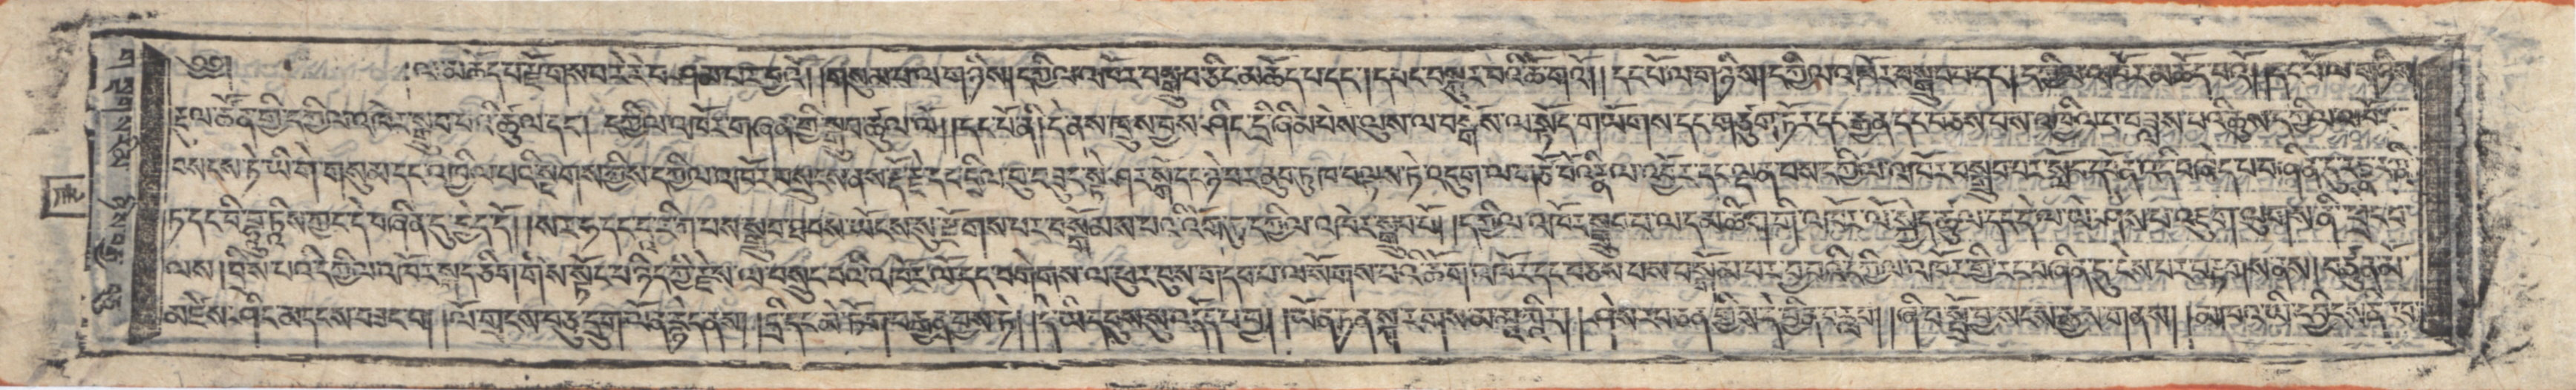༄༅། །ལ་མཆོད་པ་རྫོགས་པ་རེ་རེ་བཤམ་པར་བྱའོ། །གསུམ་པ་ལ་སྙིས། དཀྱིལ་འཁོར་བསྒྲུབ་ཅིང་མཆོད་པ་དང་། དབང་བསྐུར་བའི་ཆོ་གའོ། །དང་པོ་ལ་གཉིས། དཀྱིལ་འཁོར་བསྒྲུབ་པ་དང་། དཀྱིལ་འཁོར་མཆོད་པའོ། །དང་པོ་ལ་གཉིས་
རྡུལ་ཚོན་གྱི་དཀྱིལ་འཁོར་སྒྲུབ་པའི་ཚུལ་དང་། དཀྱིལ་འཁོར་གཞན་གྱི་སྒྲུབ་ཚུལ་ལོ། །དང་པོ་ནི། དེ་ནས་ཁྲུས་བྱས་ཤིང་དྲི་ཞིམ་པོས་ལུས་ལ་བསྒོས་ལ་སྟོད་གཡོགས་དང་གཙུག་ཏོར་དང་རྒྱན་དང་བཅས་པས་འཁྱིལ་པ་བཟླས་པའི་ཆུས་དཀྱིལ་འཁོར་
བསངས་ཏེ་ཡི་གེ་གསུམ་དང་འཁྱིལ་པའི་སྔགས་ཀྱིས་དཀྱིལ་འཁོར་བསྲུངས་ནས་རྡོ་རྗེ་དང་དྲིལ་བུ་བཟུང་སྟེ་ཤར་སྒོ་དང་ཉེ་བར་ནུབ་ཏུ་ཁ་བལྟས་ཏེ་འདུག་ལ་གཙོ་བོའི་རྣལ་འབྱོར་དང་ལྡན་པས་དཀྱིལ་འཁོར་བསྒྲུབ་པར་སློབ་དཔོན་འདི་བཞེད་པ་བཞིན་དུ་རཏྣ་རཀྵི་
ཏ་དང་བི་བྷཱུ་ཏཱིས་ཀྱང་དེ་བཞིན་དུ་བྱེད་དོ། །ས་ར་ཧ་དང་དཱ་རི་ཀ་པས་སྒྲུབ་ཐབས་ཡོངས་སུ་རྫོགས་པར་བསྒོམས་པའི་འོག་ཏུ་དཀྱིལ་འཁོར་སྒྲུབ་བོ། །དཀྱིལ་འཁོར་སྒྲུབ་པ་ལ་དམ་ཚིག་གི་འཁོར་ལོ་སྐྱེད་ཚུལ་དང་དེ་ལ་ཡེ་ཤེས་པ་འཇུག་ལུགས་ནི་ཕྲེང་བ་
ལས། བྲིས་པའི་དཀྱིལ་འཁོར་སྐད་ཅིག་གིས་སྟོང་པ་ཉིད་ཀྱི་རྗེས་ལ་བསྲུང་བའི་འཁོར་ལོ་དང་བགེགས་ལ་ཕུར་བུས་གདབ་པ་ལ་སོགས་པའི་ཆོ་ག་འཁོར་དང་བཅས་པས་བསྒོམ་པར་བྱ་བའི་དཀྱིལ་འཁོར་གྱི་རང་བཞིན་དུ་ངེས་པར་བརྟགས་ནས། བཙུན་མོ་
མཛེས་ཤིང་མདངས་བཟང་བ། །ལོ་གྲངས་བཅུ་དྲུག་ལོན་རྙེད་ནས། །དྲི་དང་མེ་ཏོག་བརྒྱན་བྱས་ཏེ། །དེ་ཡི་དབུས་སུ་འདོད་པ་བྱ། །ཡོན་ཏན་སྐ་རགས་མ་མཱ་ཀཱིར། །ཤེས་རབ་ཅན་གྱིས་དེ་བྱིན་བརླབ། །ཞི་བ་སྤྲོ་བྱ་སངས་རྒྱས་གནས། །མཁའ་ཡི་དབྱིངས་ནི་རབ་